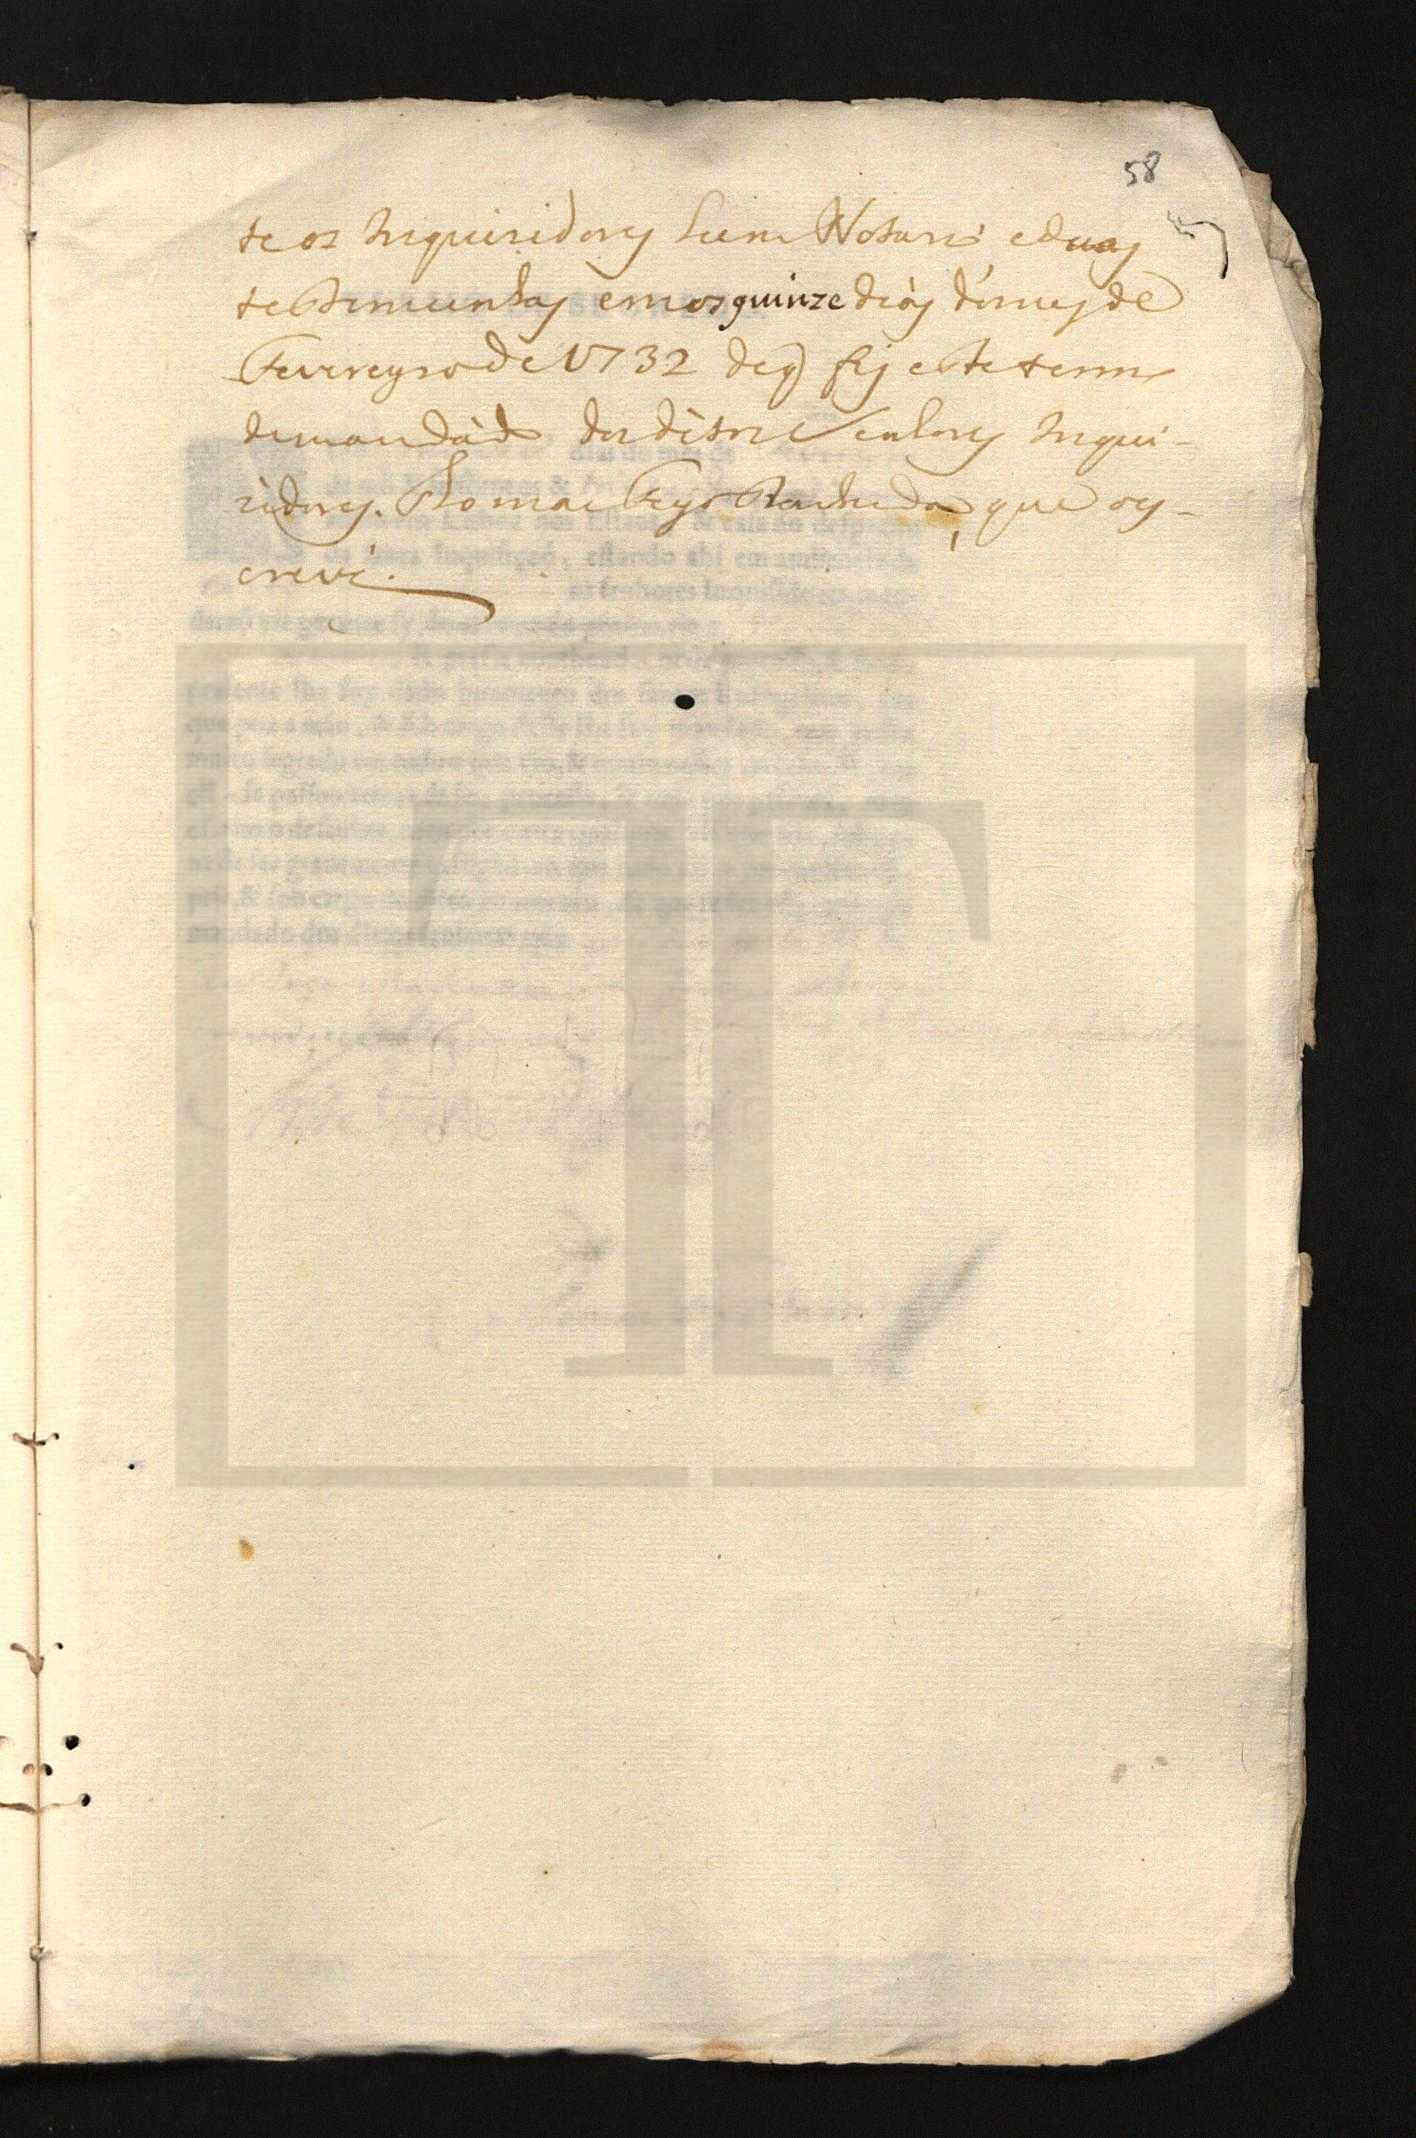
58
te os Inquizidores hum Notario, e duas
testemunhas em os quinze dias do mes de
Fevereyro de 1732 de q̄ fis este termo
de mandàdo dos dìtos Senhores Inqui
zidores. Thomas Feyo Barbuda, que o es
creui
